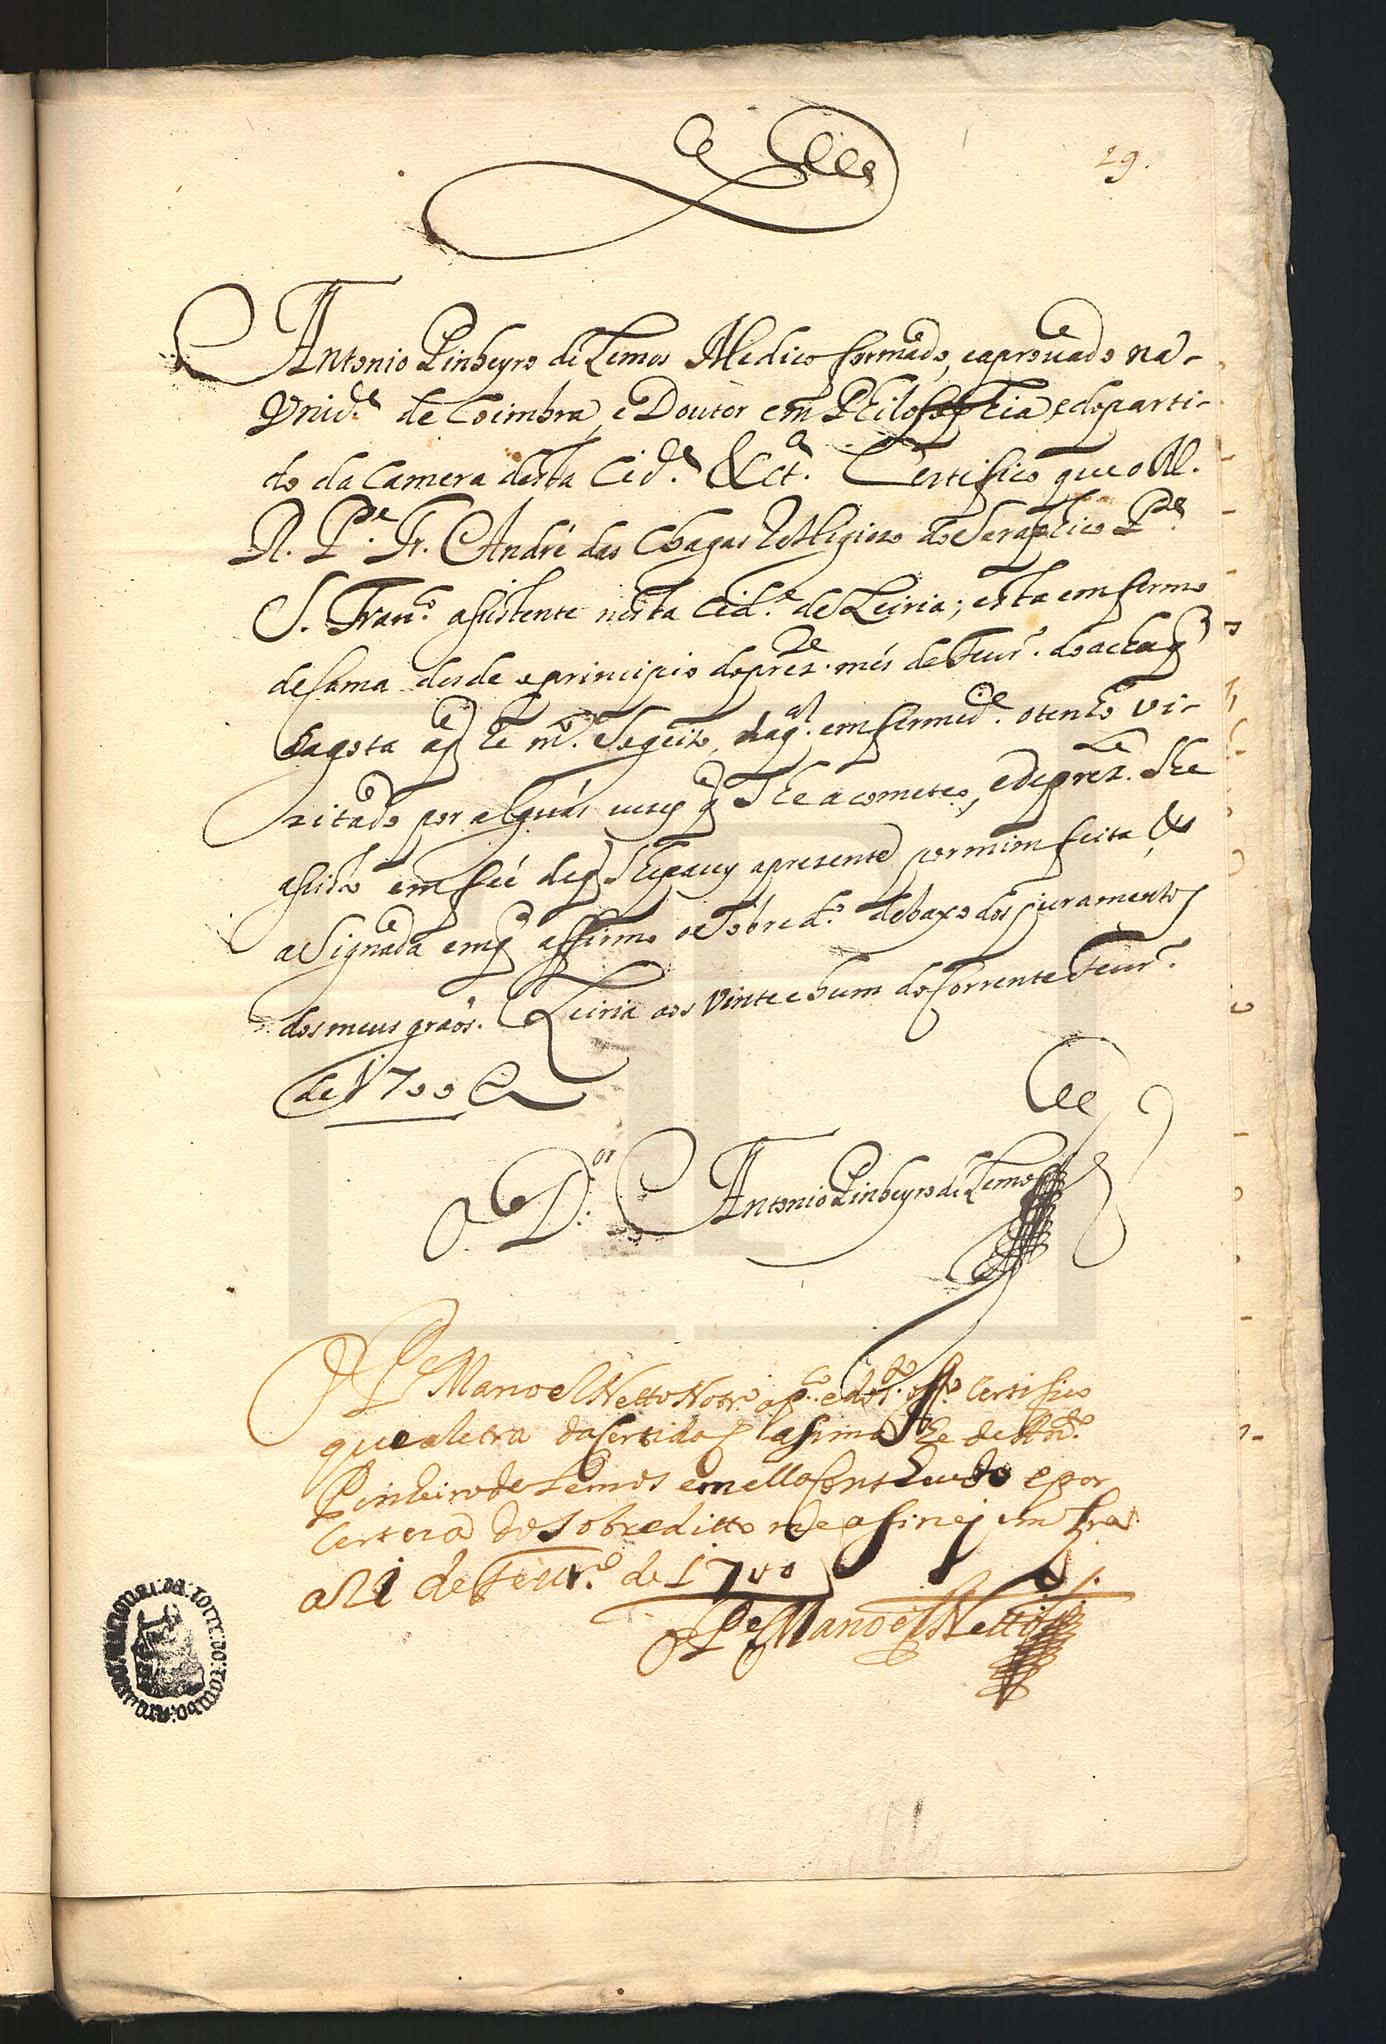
19.
Antonio Pinheyro de Lemos Medico formado, e aprouado na
Vnid.e de Coimbra e Doutor em Philosophia e do parti
do da Camera desta Cid.e &ct.a Certifico que o M.
R. P.e Fr. André das Chagas Relligiozo do Seraphico P.e
S. Fran.co assistente nesta Cid.e de Leiria; esta emfermo
de Cama desde o principio do prez.te més de Feur.o do achaq̄
da gota a q̄ he m.to Sogeito, da q.al emfermid.e o tenho vi
zitado por alguās uezes q̄ lhe acometeo, e de prez.te lhe
assisto em feé de q̄ lhe pacey a prezente por mim feita &
aSignada em q̄ affirmo o Sobred.o debaxo dos juramentos
dos meus graos. Leiria aos Vinte e hum do Corrente Feur.o
de 1700
O D.or Antonio Pinheyro de Lemos
O Pe Manoel Netto Notro ap.co do s.to off.o certifico
que a letra da Certidaõ asima he de An.to
Pinheiro de Lemos em ella Contheudo e por
certeza do sobreditto me asinej em Lra
a 2i de Feur.o de i700
O Pe Manoel Netto
